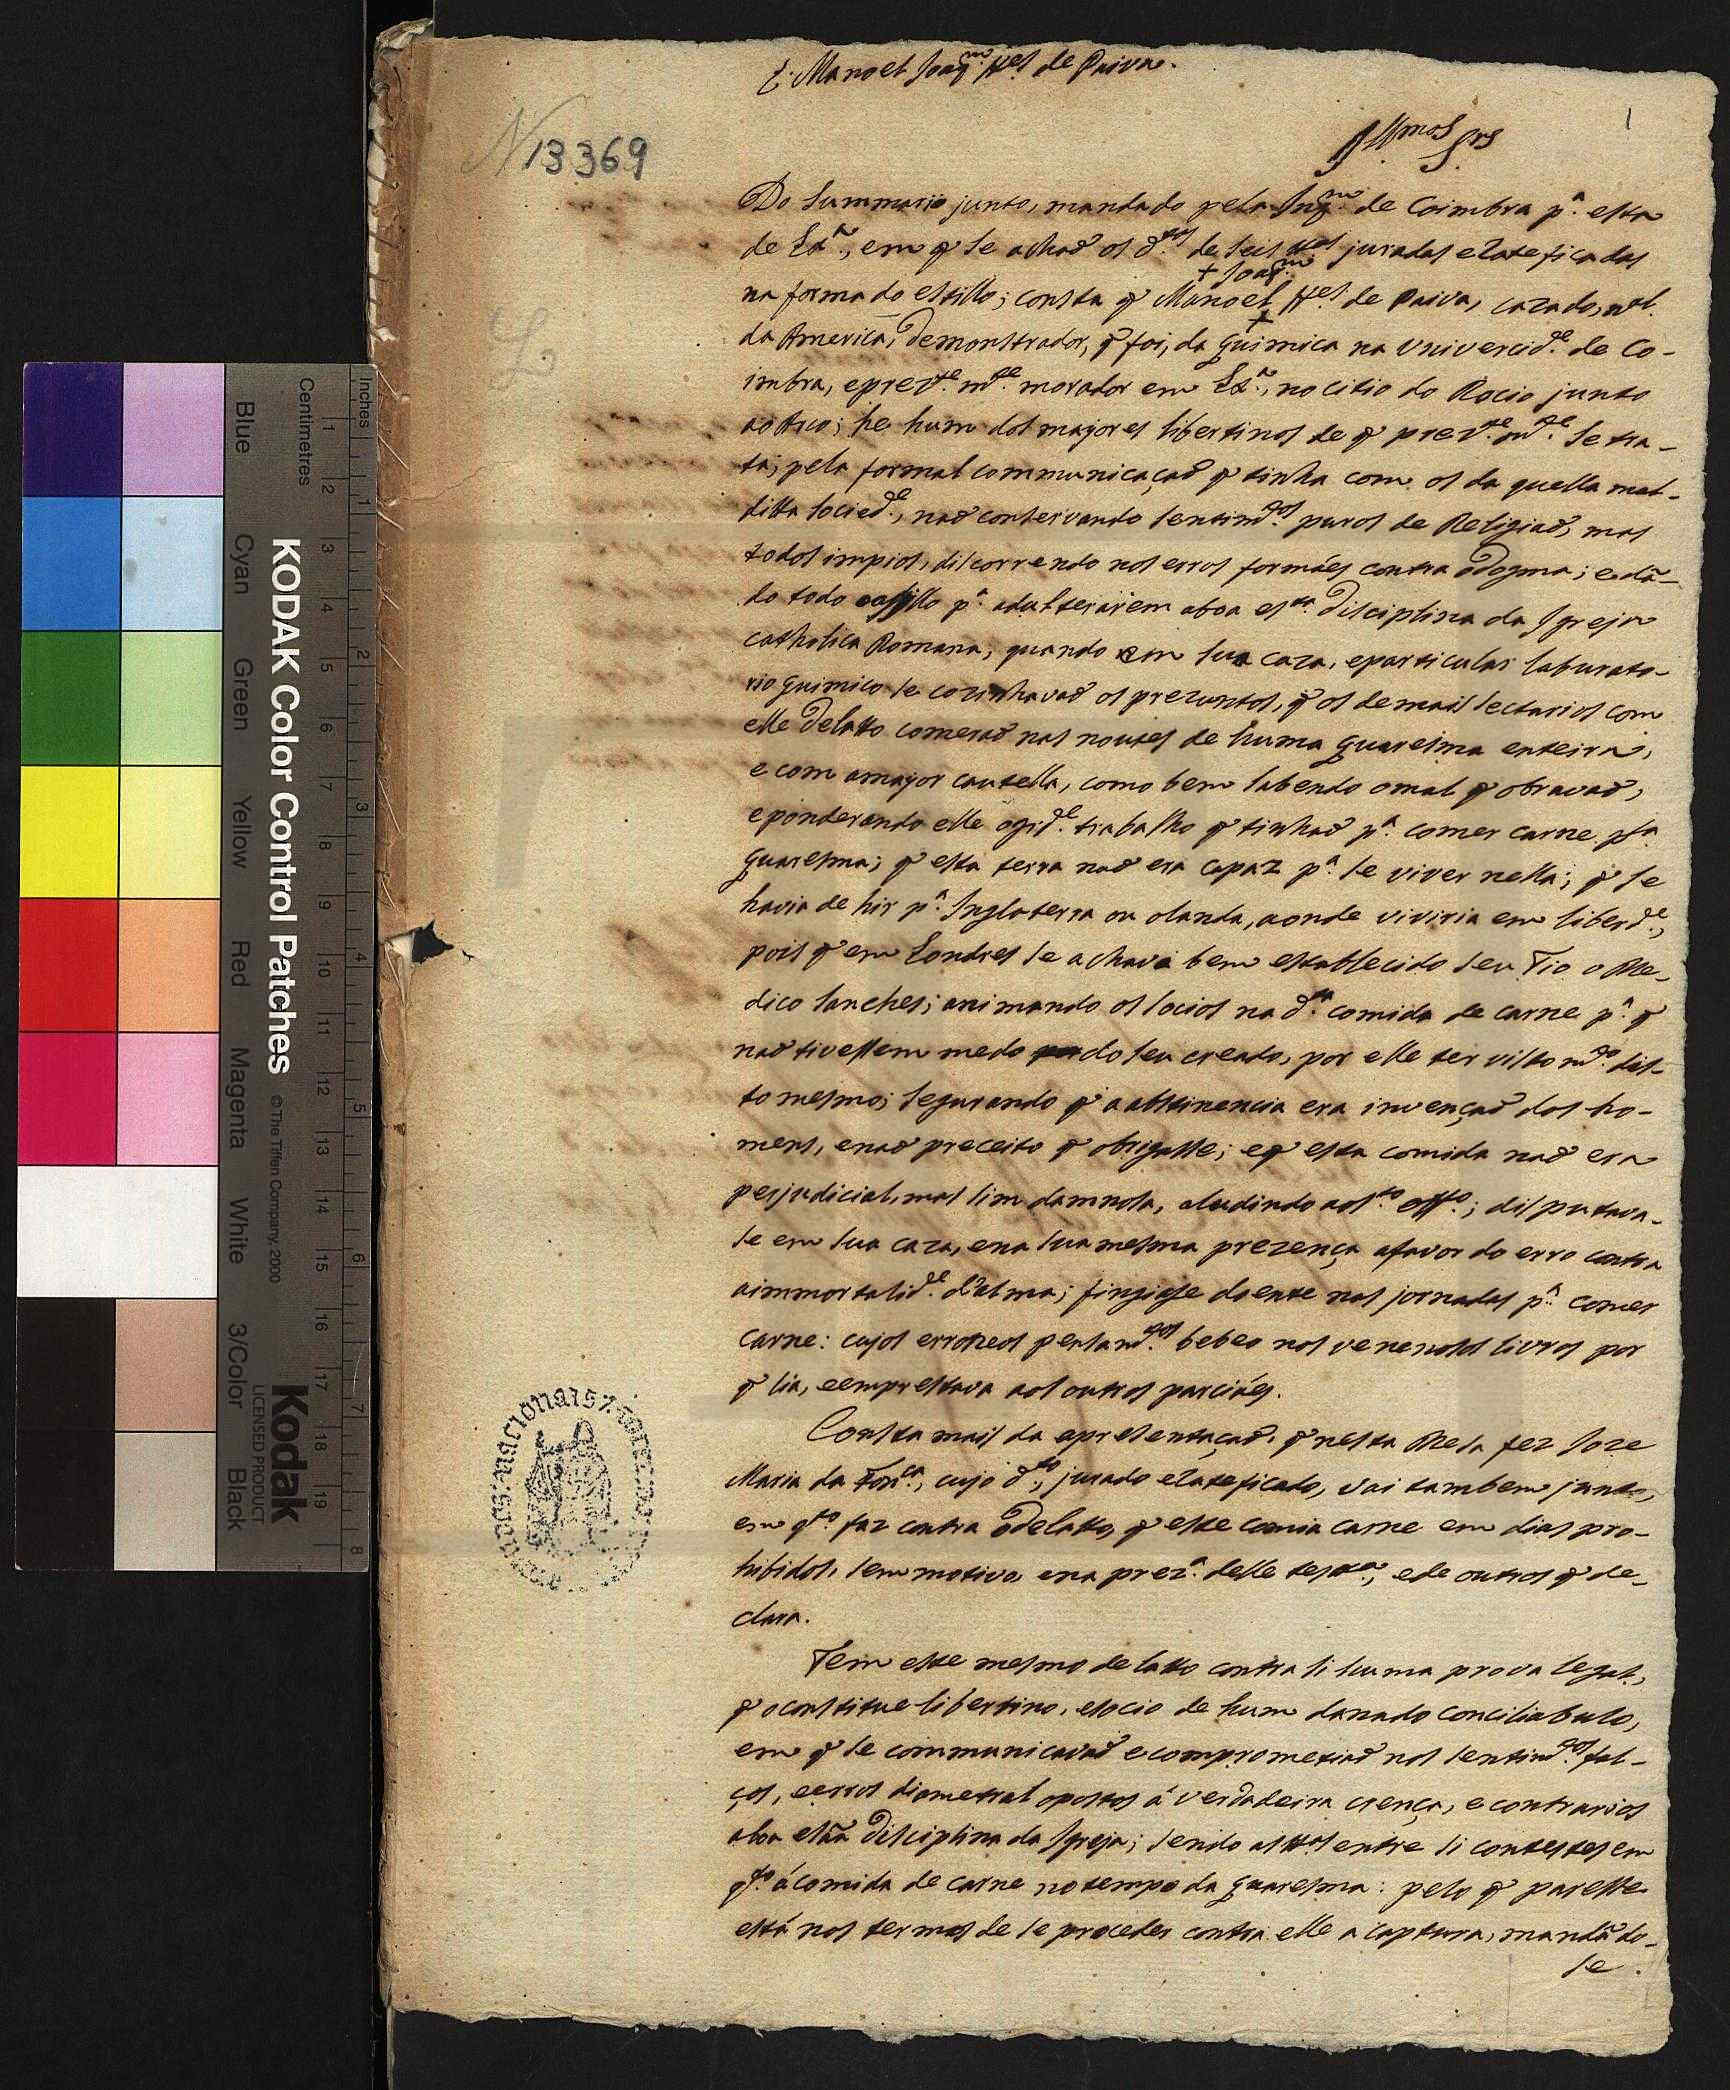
Manoel Joaqm. H.es de Paiva.
Ill.mos S.rs
Do Summario junto, mandado pela Inq.m de Coimbra p.a esta
de Lx.a, em q se achaõ os d.tos de seis tt.as juradas e Rateficadas
+Joaq.m
na forma do estillo; consta q̄ Manoel H.es de Paiva, cazado, nal.
da America, demonstrador, q̄ foi, da Quimica na univercid.e de co
imbra e prez.tem.te morador em Lx.a, no citio do Rocio junto
ao Arco; he hum dos mayores libertinos de q̄ prez.tem.te se tra
ta; pela formal communicaçaõ q̄ tinha com os daquella mal
ditta socied.e, naõ conservando sentim.tos puros de Religiaõ, mas
todos impios, discorrendo nos erros formáes conta o dogma; e dã
do todo o asjllo p.a adulterarem a boa e s.ta disciplina da Jgreja
catholica Romana, quando em sua caza, e particular laburato
rio quimico se cozinhavaõ os prezuntos, q̄ os demais sectarios com
elle delatto comeraõ nas noutes de huma quaresma enteira,
e com a mayor cautella, como bem sabendo o mal q̄ obravaõ,
e ponderando elle o grd.e trabalho q̄ tinhaõ p.a comer carne pla
quaresma; q̄ esta terra nao era capaz p.a se viver nella; q̄ se
havia de hir p.a Inglaterra ou olanda, aonde viviria em Liberd.e,
pois q̄ em Londres se achava bem establecido seu Tio o Me
dico Sanches; animando os socios na d.a comida de carne p.a q̄
naõ tivessem medo _ do seu creado, por elle ter visto m.to dis
to mesmo; segurando q̄ a abstinencia era invençaõ dos ho
mens, e naõ preceito q̄ obrigasse, e q̄ esta comida naõ era
perjudicial, mas sim damnosa, aludindo a s.to off.o; disputava
se em sua caza, e na sua mesma prezença a favor do erro contra
a immortalid.e d'alma; fingiase doente nas jornadas p.a comer
carne: cujos erroneos pensam.tos bebeo nos venenosos livros por
q̄ lia e emprestava aos outros parciáes.
Consta mais da apresentaçaõ, q̄ nesta Mesa fez Ioze
Maria da Fon.ca, cujo d.to, jurado e Rateficado, vai tambem junto,
emq.to faz contra o delatto, q̄ este comia carne em dias pro
hibidos, sem motivo e na prez.a delle test.a, e de outros q̄ de
clara.
Tem este mesmo delatto contra si huma prova legal,
q̄ o constitue libertino, e socio de hum danado conciliabulo,
em q̄ se communicavaõ e comprometiaõ nos sentim.tos fal
ços, e erros diametral opostos á verdadeira crença, e contrarios
a boa e saã disciplina da Jgreja, sendo as tt.as entre si contestes em
q.to á comida de carne no tempo da quaresma: pelo q̄ paresse
está nos termos de se proceder contra elle a captura, mandādo
se.
